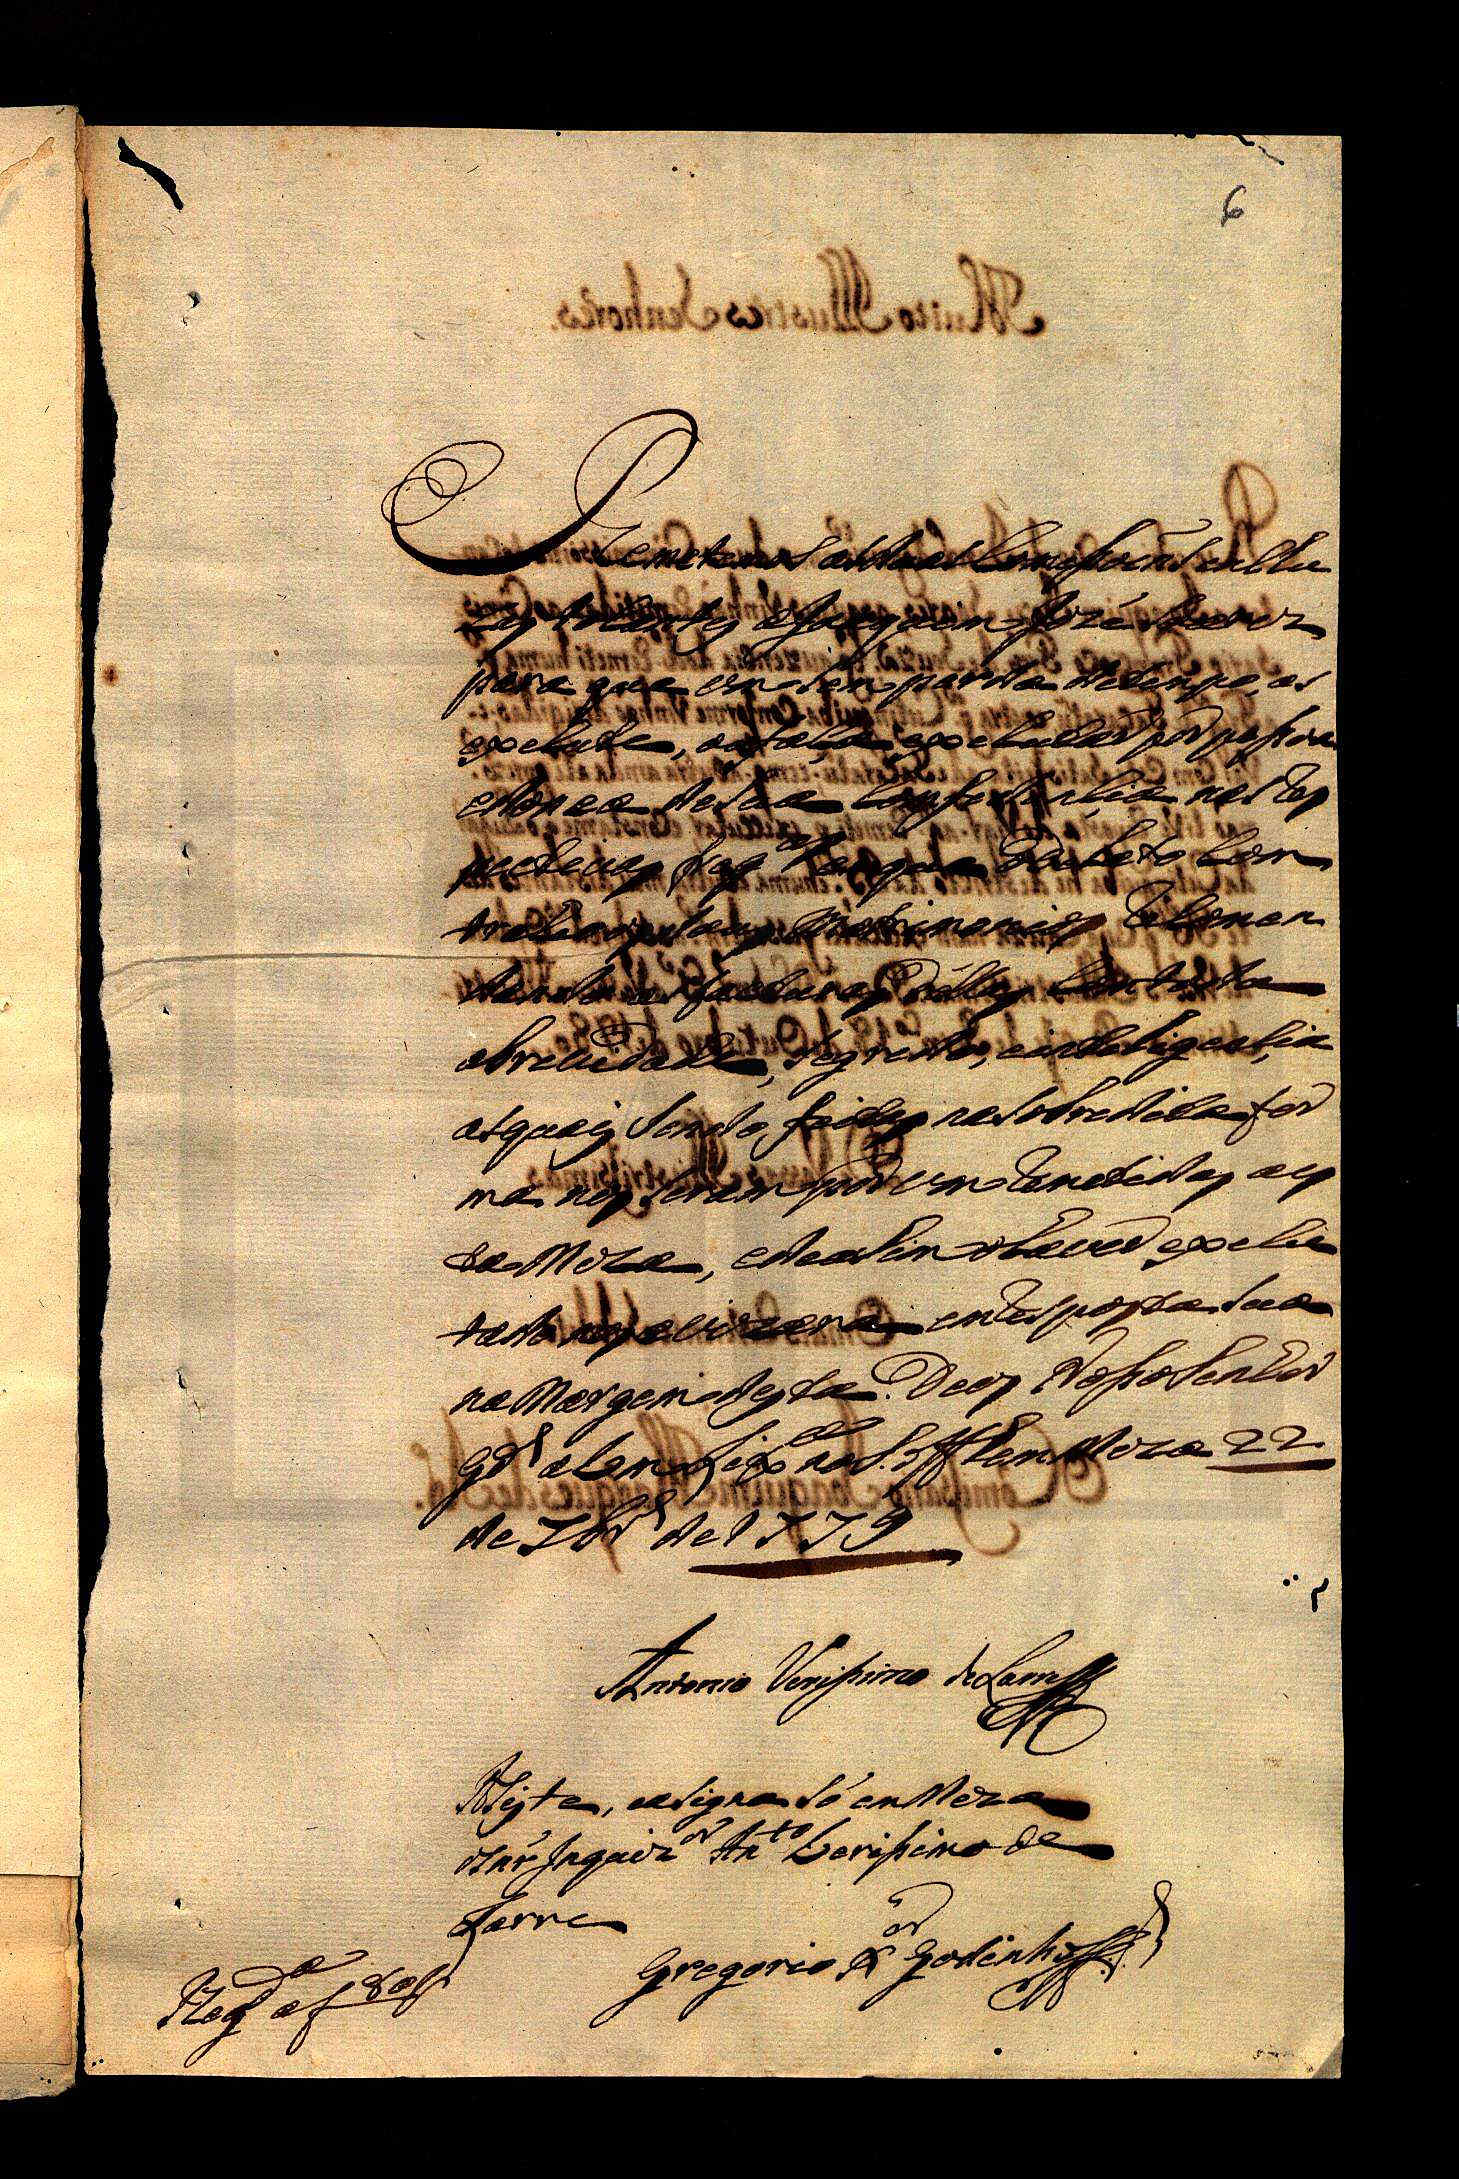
Regda a f 80V
RemetemoS as taes Comissoen̄S esCLu
zas toCantes a Joaquim Jozé Soarez
para que vm sem perda de tempo, as
execute, ou faÇa exeCutar por pessoa
edonea de sua ConfidenÇia nas Res
pectivas fregas o que o deLato Com
trahio os dous Matrimonios RiComen
dando as facturas déllas Com toda
a breuidade, segredo, e inteLigenÇia
as quais, Sendo feitas na Sobredita for
ma nos seram por vm Remetidas a es
ta Meza, e de asim o Levar exeCu
tado nos avizara em Resposta sua
na Margem desta. Deos Nosso Senhor
gde a Vm Lixa no S. offo hem Meza 22
de 7br.o de i779
Antonio Verissimo de Larre
Asejte, e asigna só em Meza
o snr̄ Jnquizor Anto Verissimo de
Larre
Gregorio xer godinho
